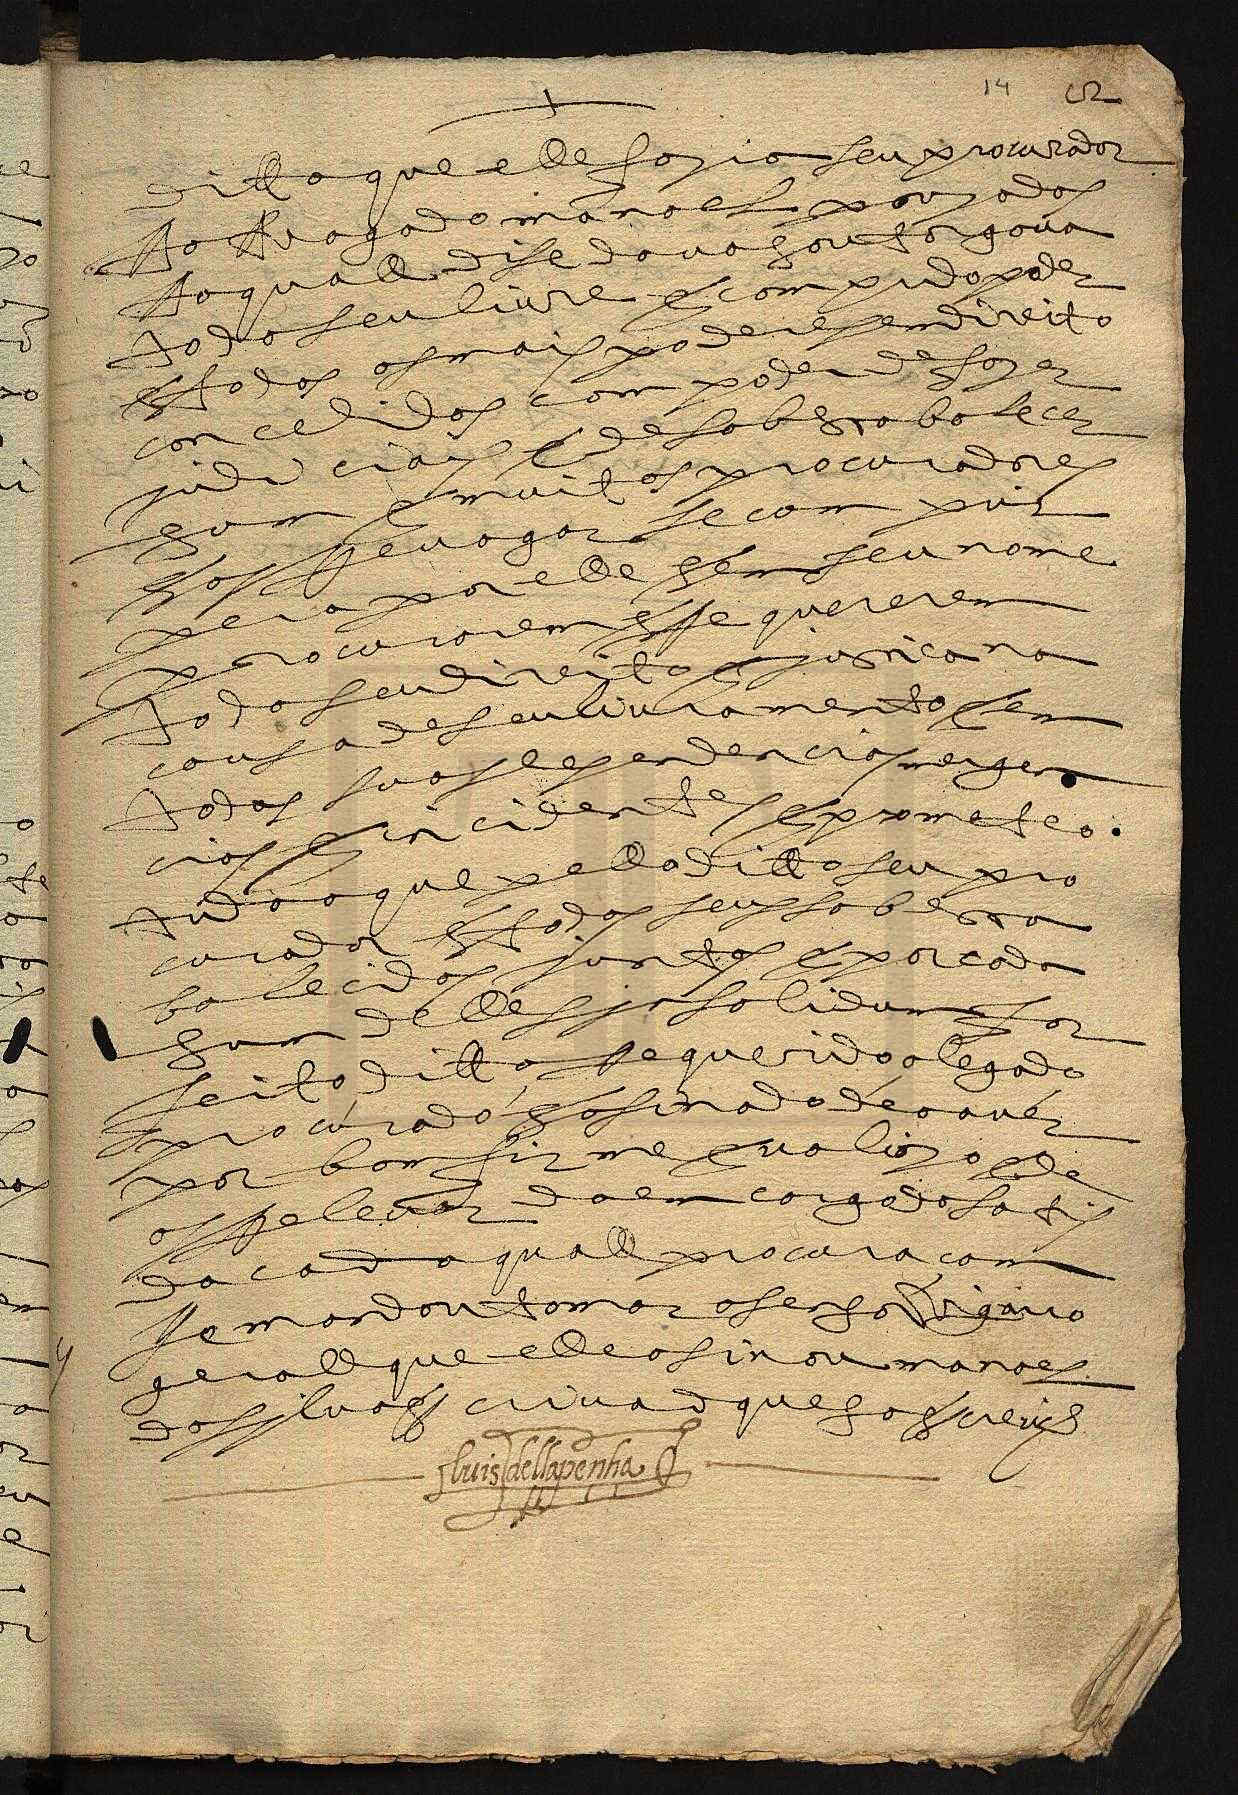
ditto que elle fazia seu procurador
ao avogado manoel pouzados
ao qual disse dava e outorgaua
todo seu liure e comprido poder
e todos os mais poderes em direito
concedidos com poder de fazer
judiciais e de sobestabelecer
hum e muitos procuradores
e os revogar se comprir
pera por elle e em seu nome
procurarem e requererem
todo seu direito e justiça na
causa de seu liuramento e em
todas suas dependencias e urgen
cias e incidentes e prometeo
tudo o que pello ditto seu pro
curador e todos seus sobesta
belecidos juntos e por cada
hum delles jn solidum for
feito, ditto, requerido, alegado
procurado e asinado de o aver
por bom firme e valiozo e de
os relevar do em cargo da satis
facaõ a quall procuraçam
lhe mandou tomar o Senhor Vigario
gerall que elle asinou manoel
da Silva o escrivaõ que ho escrevi
luis della penha
